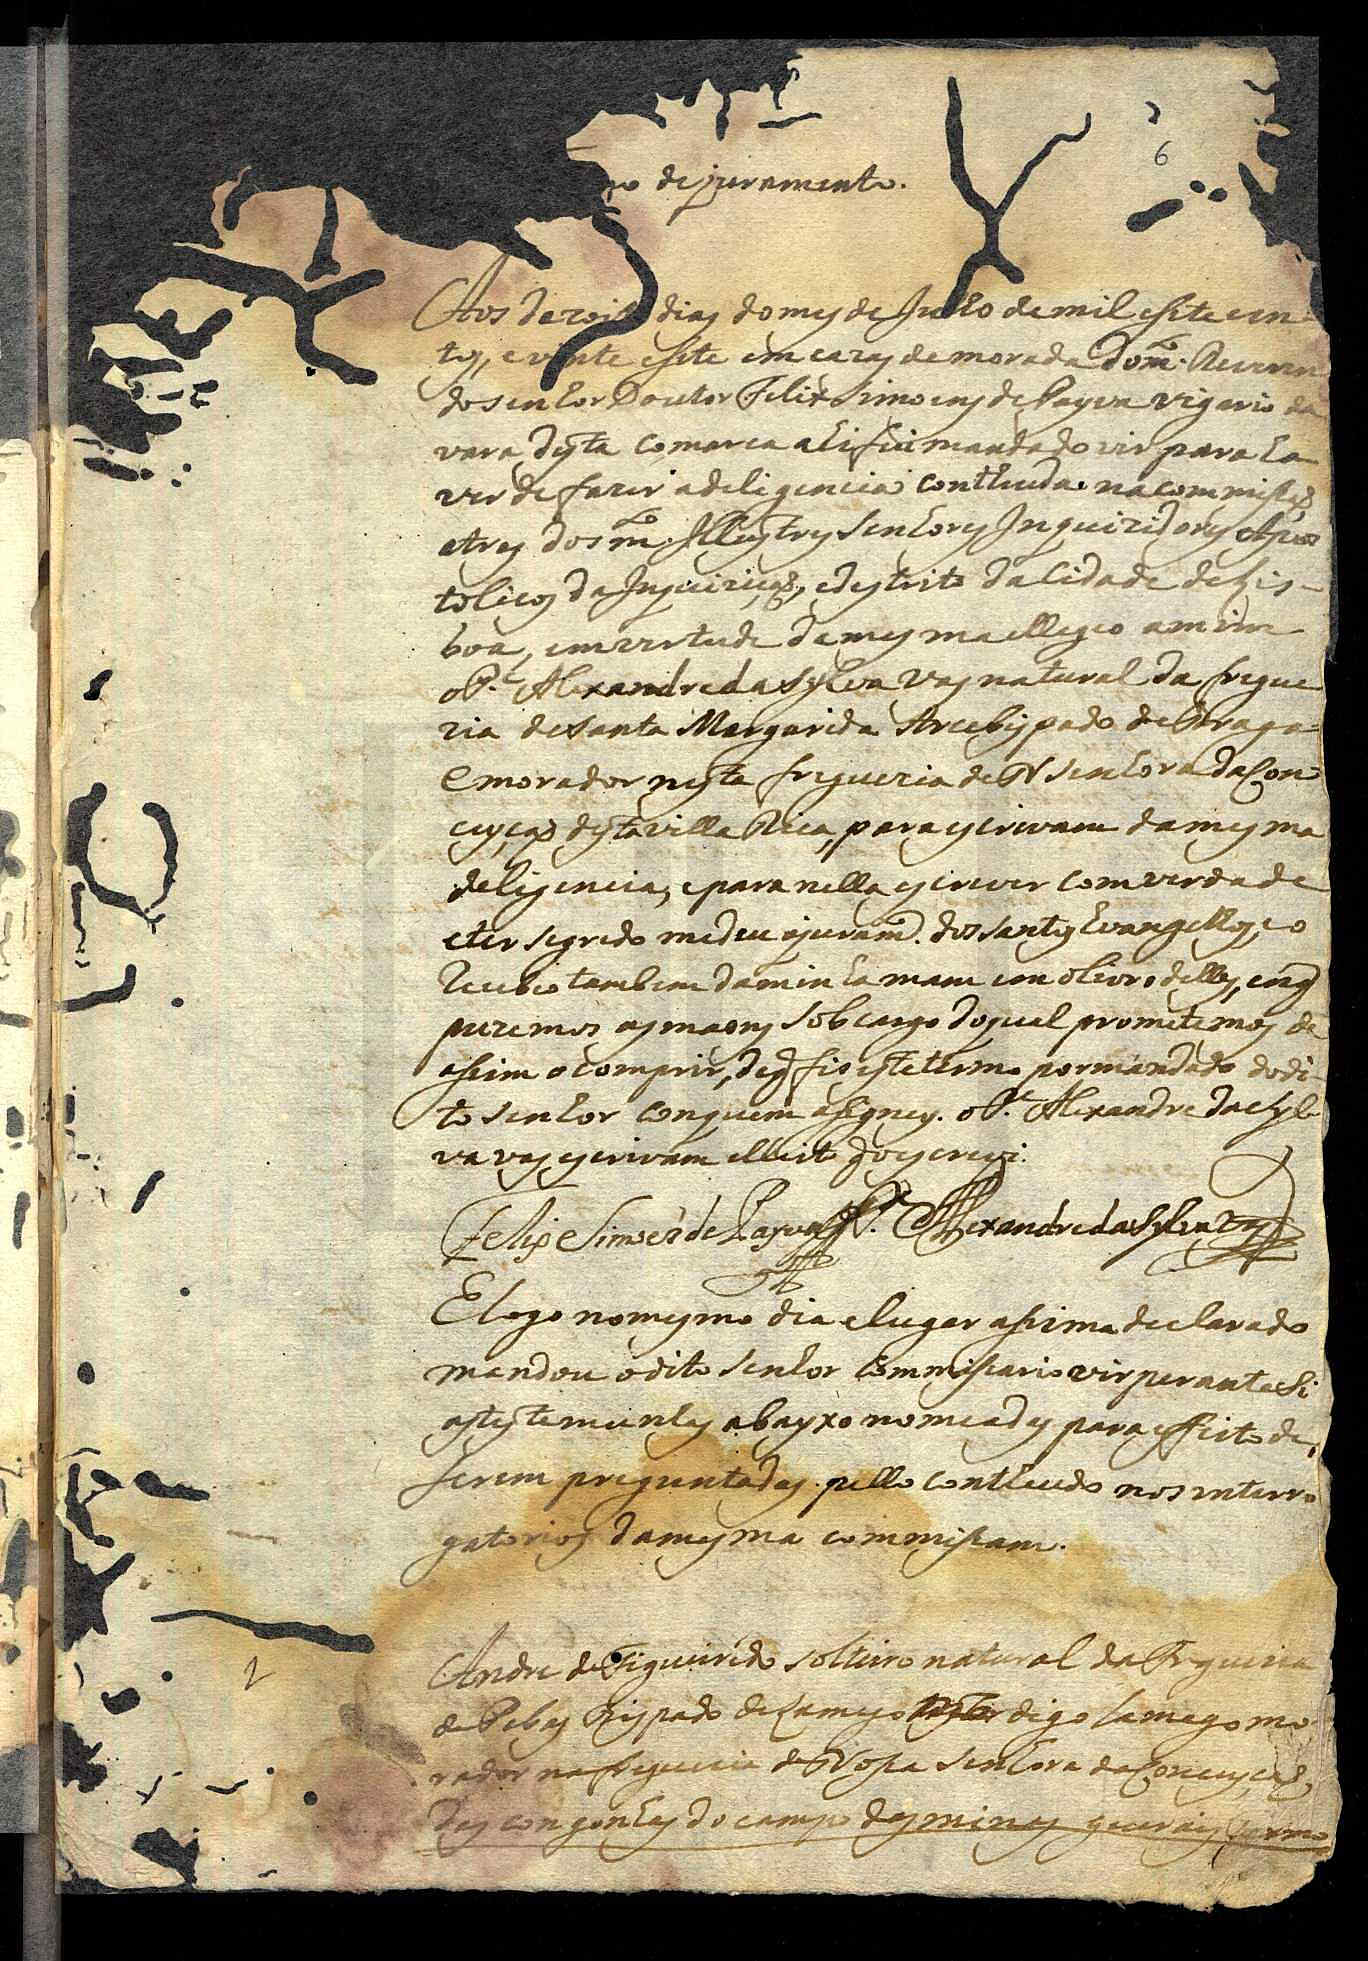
de juramento.
Aos dezoit_ dias do mes de Julho de mil e setecen
tos, e vinte e sete em cazas de morada do m.to Reveren
do senhor Doutor Felix Simoens de Payva vigario da
vara desta comarca ahi fui mandado vir para ha
ver de fazer a deligencia contheuda na commissaõ
atras dos mto. Jllustres Senhores Jnquizidores Apos
tolicos da Jnquiziçaõ, e destrito da Cidade de Lis
boa, em virtude da mesma ellegeo a mim
o P.e Alexandre da Sylva Vas natural da fregue
zia de santa Margarida Arcebispado de Braga
e morador nesta freguezia de N Senhora da Con
ceyçaõ desta villa Rica, para escrivam da mesma
deligencia, e para nella escrever com verdade
e ter segredo me deu o juram.to dos santos Evangelhos, e o
Recebeo tambem da minha mam em o livro delles, en q̄
puzemos as maons sob cargo do qual prometemos de
assim o comprir, de q̄ fis este termo por mandado do di
to senhor con quem asigney. o P.e Alexandre da Syl
va vas escrivam elleito q̄ o escrevi.
Felix Simoẽs de Payva
Alexandre da Sylva Vas
E logo no mesmo dia e lugar assima declarado
mandou o dito senhor Commissario vir perante Si
as testemunhas abayxo nomeadas para effeito de
serem preguntadas pello contheudo nos interro
gatorios da mesma commissam.
Andre de Figueiredo solteiro natural da Freguezia
de Pebas Bispado de Lamego
digo Lamego mo
rador na freguezia de Nossa Senhora da Conceyçaõ
das congonhas do campo das minas guerais Termo
